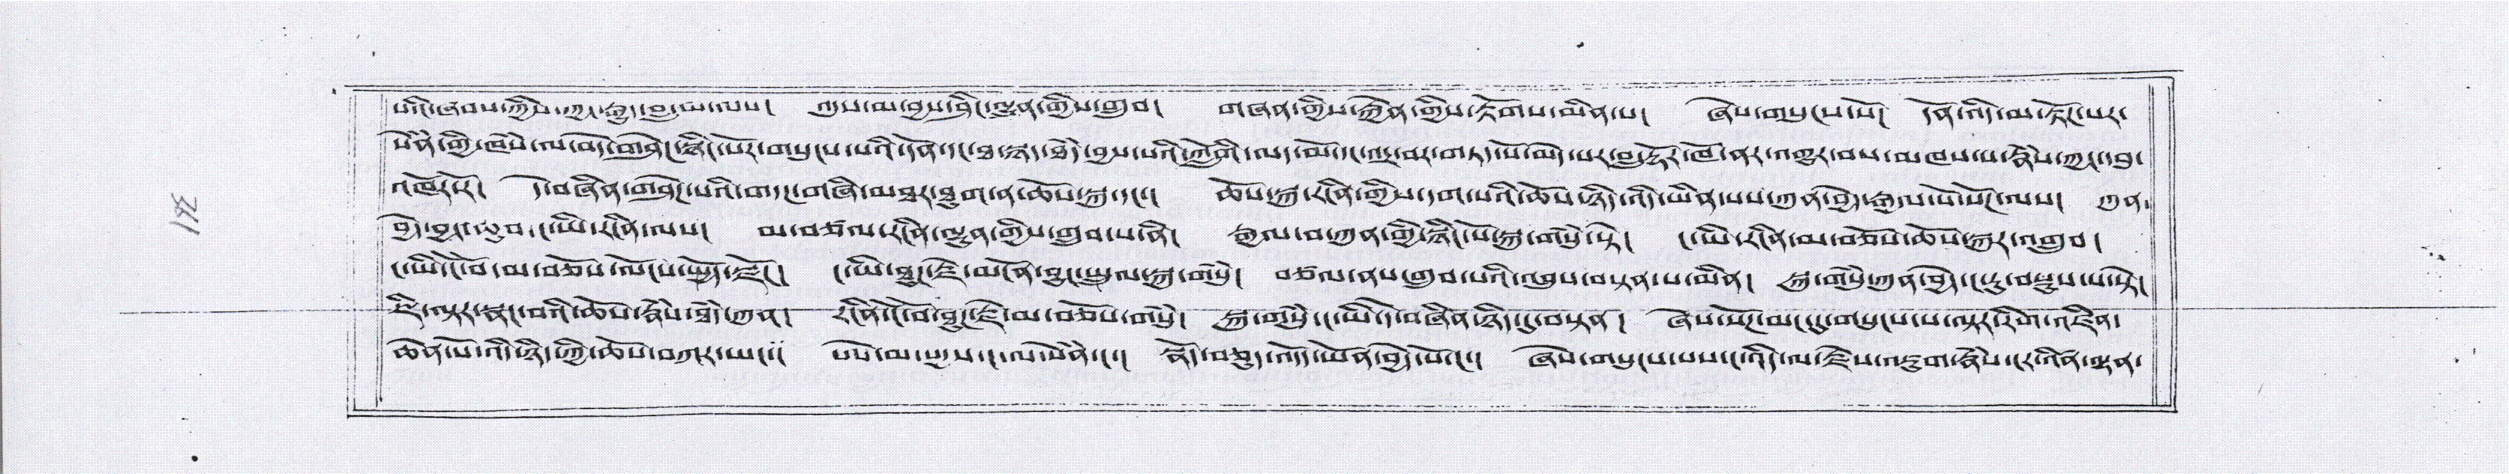པའི་ཞབས་ཀྱིས་ཀྱང་རྒྱུད་བླ་མ་ལས། འདུས་མ་བྱས་ཤིང་ལྷུན་གྱིས་གྲུབ། གཞན་གྱིས་རྐྱེན་གྱིས་རྟོགས་མིན་པ། ཞེས་གསུངས་སོ། དོན་འདི་མ་རྟོགས་པར་
སེམས་ཅན་གྱི་ཁམས་ལ་བདེ་གཤེགས་སྙིང་པོར་གསུངས་པའི་དོན་དང་ཐ་སྙད་ཐམས་ཅད་བྱས་པའི་ཀློག་གི་ལད་མོ་དང་འདྲ་བར་གཏད་སོ་མེད་པར་བླ་རྡོར་ཁོ་ནར་འགྱུར་བས་མཁས་པ་རྣམས་ཀྱང་དབུ་
འཁོར་རོ། དེ་བཞིན་གཤེགས་པའི་གདགས་གཞི་མཐར་ཐུག་ན་ཆོས་སྐུ་དང། ཆོས་སྐུ་རང་བཞིན་གྱིས་དག་པའི་ཆོས་ཉིད་འདི་ཡིན་པས་ཀུན་བྱེད་རྒྱལ་པོ་སོགས་ལས། ཀུན་
བྱེད་བྱང་ཆུབ་ང་ཡི་རང་བཞིན་ལས། མ་བཙལ་རང་བཞིན་ལྷུན་གྱིས་གྲུབ་པ་ནི། རྒྱལ་བ་ཀུན་གྱིས་སྙིང་པོ་སྐུ་གསུམ་སྟེ། ང་ཡི་རང་བཞིན་མ་བཅོས་ཆོས་སྐུར་འགྲུབ། 
ང་ཡི་ངོ་བོ་མ་བཅོས་ལོངས་སྤྱོད་རྫོགས། ང་ཡི་ཐུགས་རྗེ་མངོན་བྱུང་སྤྲུལ་སྐུ་གསུམ། བཙལ་ནས་གྲུབ་པའི་འབྲས་བུ་བསྟན་པ་མིན། སྐུ་གསུམ་ཀུན་བྱེད་ང་རུ་བསྡུས་པ་སྟེ། 
ཇི་ལྟར་སྣང་བའི་ཆོས་རྣམས་ཐམས་ཅད་ཀུན། རང་བཞིན་ངོ་བོ་ཐུགས་རྗེ་མ་བཅོས་གསུམ། སྐུ་གསུམ་ང་ཡི་དེ་བཞིན་ཉིད་དུ་བསྟན། ཞེས་སོགས་མང་དུ་གསུངས་པ་ལྟར་རིག་འཛིན་
ཆེན་པོ་འདི་ཉིད་ཀྱི་ཆོས་བཀར་ཡང། ཨེ་མ་སངས་རྒྱས་ང་ལ་སེམས་ཅན་ང། སྣོད་བཅུད་འདོད་ཡོན་བྱེད་པོ་ང། ཞེས་གསུངས་པས་ང་འདི་ལ་རྗེས་འཇུག་རྣམས་ངར་འཛིན་ལྷན་